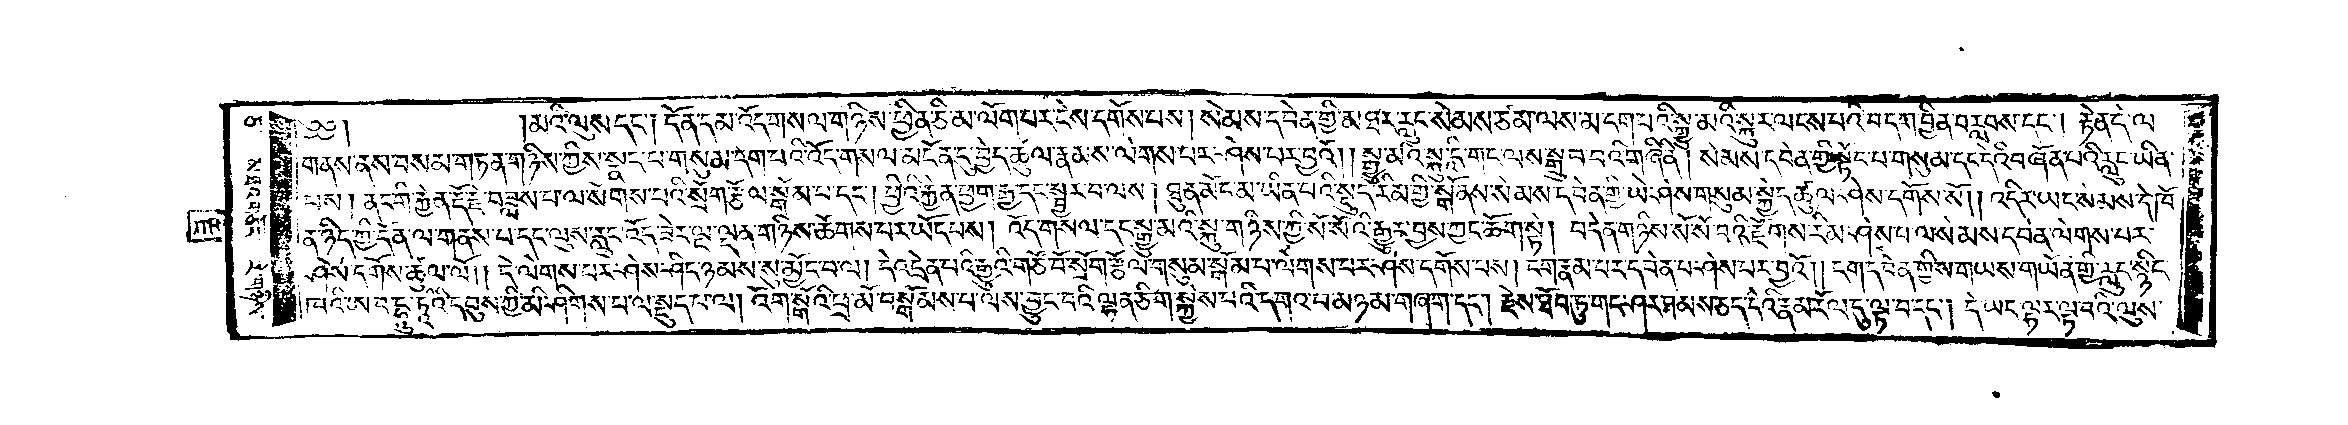༄༅། །མའི་ལུས་དང་། དོན་དམ་འོད་གསལ་གཉིས་ཕྱིན་ཅི་མ་ལོག་པར་ངེས་དགོས་པས། སེམས་དབེན་གྱི་མཐར་རླུང་སེམས་ཙམ་ལས་མ་དག་པའི་སྒྱུ་མའི་སྐུར་ལངས་པའི་བདག་བྱིན་བརླབས་དང་། རྟེན་དེ་ལ་
གནས་ནས་བསམ་གཏན་གཉིས་ཀྱིས་སྣང་བ་གསུམ་དག་པའི་འོད་གསལ་མངོན་དུ་བྱེད་ཚུལ་རྣམས་ལེགས་པར་ཤེས་པར་བྱའོ། །སྒྱུ་མའི་སྐུ་འདི་གང་ལས་སྒྲུབ་པའི་གཞི་ནི། སེམས་དབེན་གྱི་སྟོང་པ་གསུམ་དང་དེའི་བཞོན་པའི་རླུང་ཡིན་
པས། ནང་གི་རྐྱེན་རྡོ་རྗེ་བཟླས་པ་ལ་སོགས་པའི་སྲོག་རྩོལ་སྒོམ་པ་དང་། ཕྱིའི་རྐྱེན་ཕྱག་རྒྱ་དང་སྦྱར་བ་ལས། ཐུན་མོང་མ་ཡིན་པའི་སྡུད་རིམ་གྱི་སྒོ་ནས་སེམས་དབེན་གྱི་ཡེ་ཤེས་གསུམ་སྐྱེད་ཚུལ་ཤེས་དགོས་སོ། །འདིར་ཡང་སེམས་དེ་ཁོ་
ན་ཉིད་ཀྱི་དོན་ལ་གནས་པ་དང་ལུས་རླུང་འོད་ཟེར་ལྔ་ལྡན་གཉིས་ཚོགས་པར་ཡོད་པས། འོད་གསལ་དང་སྒྱུ་མའི་སྐུ་གཉིས་ཀྱི་སོ་སོའི་རྒྱུར་བྱས་ཀྱང་ཆོག་སྟེ། བདེན་གཉིས་སོ་སོ་བའི་རྫོགས་རིམ་ཤེས་པ་ལ་སེམས་དབེན་ལེགས་པར་
ཤེས་དགོས་ཚུལ་ལོ། །དེ་ལེགས་པར་ཤེས་ཤིང་ཉམས་སུ་མྱོང་བ་ལ། དེ་འདྲེན་པའི་རྒྱུའི་གཙོ་བོ་སྲོག་རྩོལ་གསུམ་སྒོམ་པ་ལེགས་པར་ཤེས་དགོས་པས། ངག་རྣམ་པར་དབེན་པ་ཤེས་པར་བྱའོ། །ངག་དབེན་གྱིས་གཡས་གཡོན་གྱི་རླུང་སྙིང་
ཁའི་ཨ་བ་དྷཱུ་ཏཱིའི་དབུས་ཀྱི་མི་ཤིགས་པ་ལ་སྡུད་པ་ལ། འོག་སྒོའི་ཕྲ་མོ་བསྒོམས་པ་ལས་བྱུང་བའི་ལྷན་ཅིག་སྐྱེས་པའི་དགའ་བ་མཉམ་གཞག་དང་། རྗེས་ཐོབ་ཏུ་གང་ཤར་ཐམས་ཅད་དེའི་རྣམ་རོལ་དུ་ལྟ་བ་དང་། དེ་ཡང་ལྷར་ལྟ་བའི་ལུས་